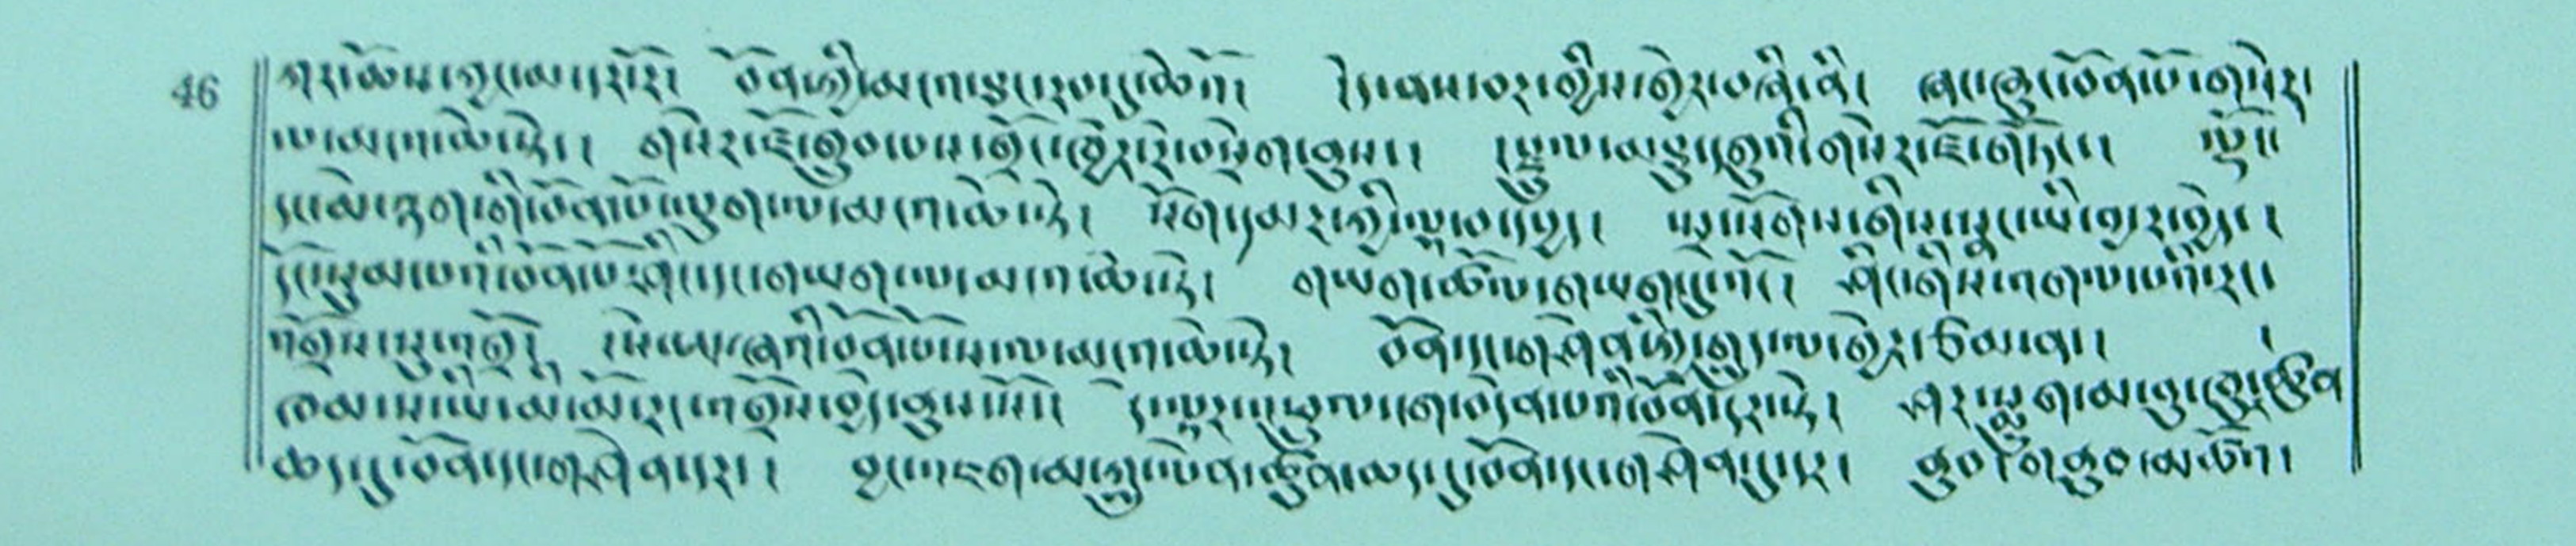གར་ཆོས་ཀྱང་མ་དར་རོ། །བོན་གྱི་མངའ་ཐང་རབ་ཏུ་ཆེའོ། །དེ་ནས་བར་གྱི་གྱེར་བཞི་ནི། ཞང་ཞུང་གི་བོན་པོ་གསེར་
ལ་མངའ་ཆེ་སྟེ། གསེར་ཛོ་གྲུབ་པས་གྲོང་ཁྱེར་རེ་་བསྲེག་ནུས། རྫུ་འཕྲུལ་མཐུའ་དགུའི་གསེར་ཛོ་གཏོང་། ལྡོང་
དང་མེ་ཉག་གི་བོན་པོ་ལུག་ལ་མངའ་ཆེ་སྟེ། སོག་དམར་གྱི་ལྷ་བ་དཔྱད། སྤྲ་སོགས་ཀྱིས་སྣང་ཡི་བྱ་ར་བྱེད། 
དོང་སུམ་པའི་བོན་པོ་ཤིང་དང་གཡག་ལ་མངའ་ཆེ་སྟེ། གཡག་ཚོལ་གཡག་ཏུ་འོངས། ཤིང་གིས་འགལ་བའི་རང་
འགྲོས་སུ་འགྲོ། སེ་འ་ཞའི་བོན་པོ་ས་ལ་མངའ་ཆེ་སྟེ། བོན་དང་གཤེན་གྱི་གླུད་ལ་གྱེར་ཙམ་ན། 
ཁམས་ས་ཡི་མི་མོ་རང་འགྲོས་བྱེད་ནུས་སོ། །དེ་ལྟར་འཕྲུལ་ངག་བདེན་པའི་བོན་དར་ཏེ། ཤར་སྨྱུག་མ་བུ་ཁུར་ཚུན་
ཆད་དུ་བོན་དང་གཤེན་དར། བྱང་འཇག་མ་གླུ་ལེན་ཚུན་ཆད་དུ་བོན་དང་གཤེན་དུ་དར། ནུབ་གནུབ་མཚོའ་